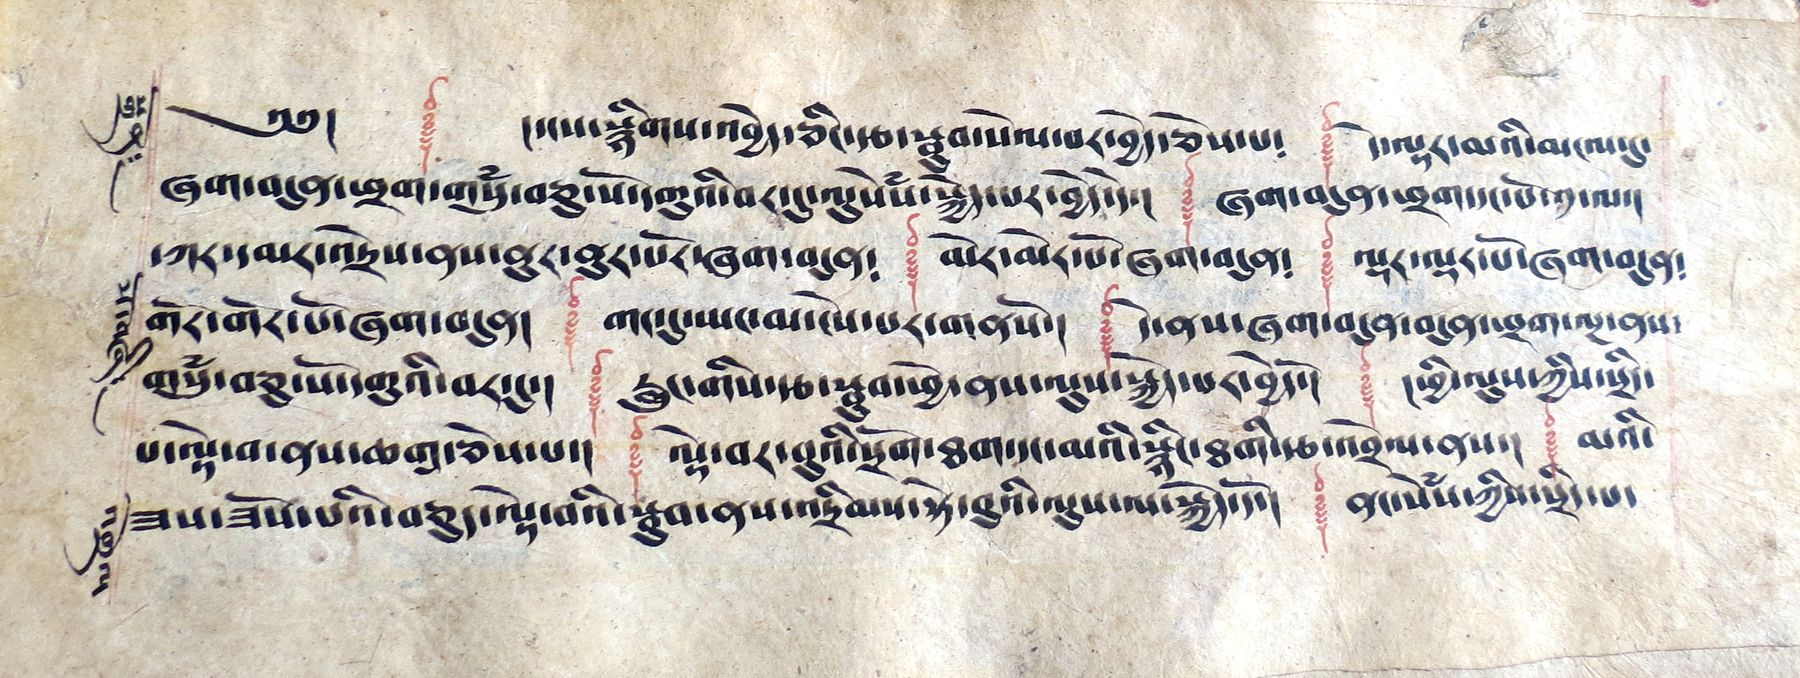དྭངས་སྙིགས་འབྱེད་ཅིང་རྩ་སྦུབས་སེལ་བར་བྱེད། །ཅེས་པས། དེ་ལྟར་མའི་མངལ་དུ་
ཞག་བདུན་ཕྲག་སུམ་ཅུ་སོ་དགུའི་བར་དུ། ལུས་སེམས་བསྐྱེད་པར་བྱེད་དེ། ཞག་བདུན་ཕྲག་དང་པོ་གཅིག་ལ། 
དཀར་དམར་འདྲེས་ནས་ནུར་ནུར་པོ་ཞག་བདུན། མེར་མེར་པོ་ལ་ཞག་བདུན། ལྟར་ལྟར་པོ་ལ་ཞག་བདུན། 
གོར་གོར་པོ་ལ་ཞག་བདུན། གང་དུ་ཡང་མ་ངེས་པར་གནས་སོ། །དེས་ནས་ཞག་བདུན་བདུན་ཕྲག་ལྔ་ནས་
སུམ་ཅུ་སོ་དགུའི་བར་དུ། རླུང་གིས་རྩ་སྦུབས་ཕྱེ་ནས་ལུས་རྫོགས་པར་བྱེད་དེ། ཕྱི་ལུས་ཀྱི་སྲིད་
པ་ལྟེ་བ་ནས་ཆགས། །ཞེས་པས། ལྟེ་བར་བུའི་སྲོག་ཐག་དང་མའི་སྙིང་ཐག་གི་རྩ་འབྲེལ་ནས། མས
ཟས་ཟོས་པའི་བཅུད་ལྟེ་བའི་སྦུབས་ནས་འགྲིམས་ཏེ། བུའི་ལུས་ལ་བསྐྱེད་དོ། །ནང་སེམས་ཀྱི་སྲིད་པ་